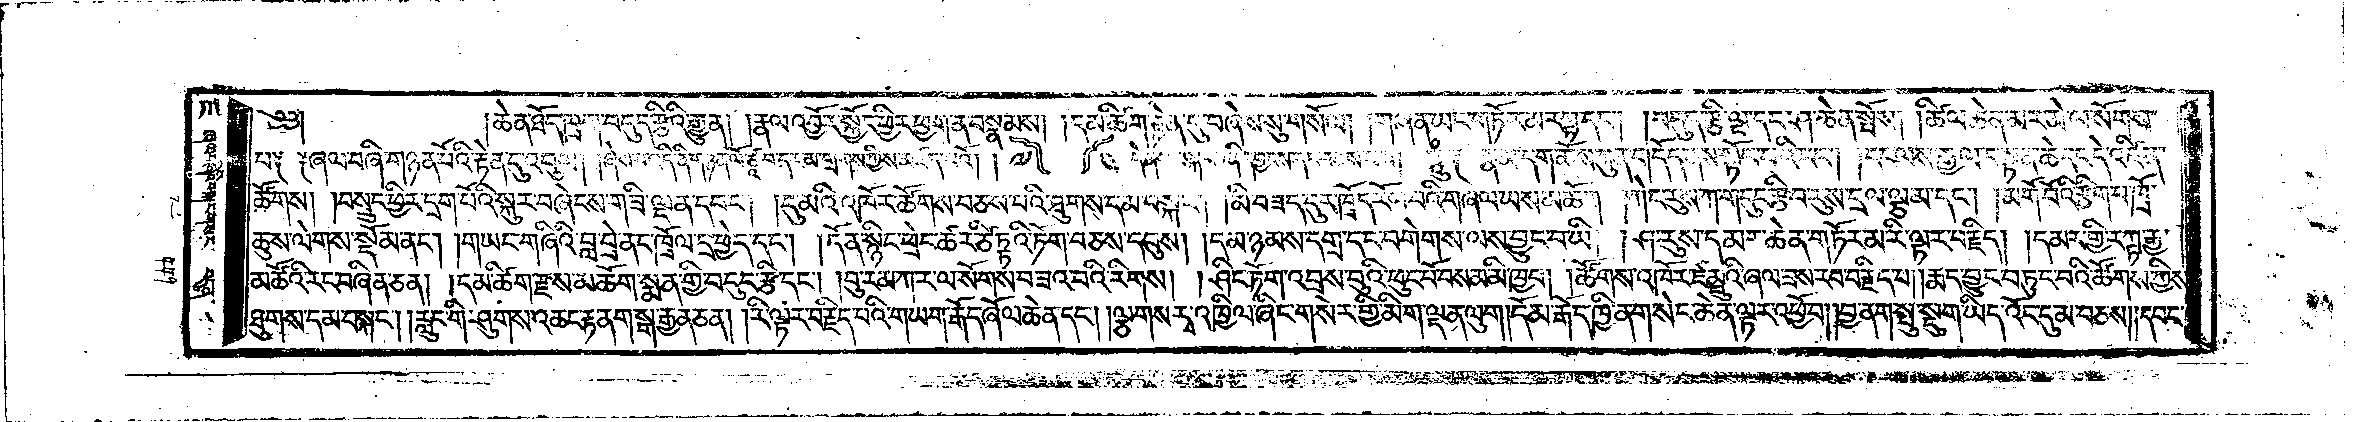༄༅། །ཆེན་ཐོད་ཁྲག་བདུད་རྩིའི་རྒྱུན། །རྣལ་འབྱོར་སྐྱོང་ཕྱིར་ཕྱག་ན་བསྣམས། །དམ་ཚིག་རྟེན་དུ་བཞེས་སུ་གསོལ། །གཞན་ཡང་གཏོར་མ་རཀྟ་དང་། །བདུད་རྩི་ལྔ་དང་ཤ་ཆེན་སྤོས། །ཚིལ་ཆེན་མར་མེ་ལ་སོགས་
པ༑ ༑ཞལ་བཞི་གཉན་པོའི་རྟེན་དུ་འབུལ། །ཞེས་པ་འདི་ནི་གཉན་ལོ་ཙཱ་བ་དར་མ་གྲགས་ཀྱིས་མཛད་པའོ།  །༧༼༽ ༼༽༤་དེ་ནས་བསྐང་བ་ནི་དབྱངས་དང་བཅས་བས། ཧཱུཾ༑ རྣམ་དག་ཆོས་ཀུན་གདོད་ནས་སྟོང་པའི་ངང་། །ངང་ལས་རྒྱལ་བསྟན་ཆེ་དང་དེ་འཛིན་
ཚོགས། །བསྲུང་ཕྱིར་དྲག་པོའི་སྐུར་བཞེངས་གཟི་ལྡན་དབང་། །དུ་མའི་འཁོར་ཚོགས་བཅས་པའི་ཐུགས་དམ་བསྐང་། །མི་བཟད་དུར་ཁྲོད་རོལ་པའི་གཞལ་ཡས་མཆོག །ཀེང་རུས་ཀ་གདུང་རྩིབ་རུས་དྲལ་ལྕམ་དང་། །མགོ་པོའི་རྩིག་པ་ཁྲོ་
ཆུས་ལེགས་སྡོམ་ནང་། །གཡང་གཞིའི་བླ་བྲེ་ནང་ཁྲོལ་དྲ་ཕྱེད་དང་། །དོན་སྙིང་ཕྲེང་ཚར་ཙིཏྟའི་ཏོག་བཅས་དབུས། །དམ་ཉམས་དགྲ་དང་བགེགས་ལས་བྱུང་བ་ཡི། །ཤ་རུས་དམར་ཆེན་གཏོར་མ་རི་ལྟར་བརྗིད། །དམར་གྱི་རཀྟ་རྒྱ་
མཚོའི་རང་བཞིན་ཅན། །དམ་ཚིག་རྫས་མཆོག་སྨན་གྱི་བདུད་རྩི་དང་། །བུ་རམ་ཀ་ར་ལ་སོགས་བཟའ་བའི་རིགས། །ཤིང་ཏོག་འབྲས་བུའི་ཕུང་པོ་བསམ་མི་ཁྱབ། །ཚོགས་འཁོར་ཛམ་བུའི་ཞལ་ཟས་རབ་བརྗིད་པ། །རྨད་བྱུང་བཏུང་བའི་ཚོགས་ཀྱིས་
ཐུགས་དམ་བསྐང་། །རླུང་གི་ཤུགས་འཆང་རྟ་ནག་སྒ་རྒྱན་ཅན། །རི་ལྟར་བརྗིད་པའི་གཡག་རྒོད་ཞོལ་ཆེན་དང་། །ལྕགས་རྭ་འཁྱིལ་ཞིང་གསེར་གྱི་མིག་ལྡན་ལུག །དོ་མ་རྒོད་ཁྱི་ནག་སེང་ཆེན་ལྟར་འཕྱོ་བ། །བྱ་ནག་སྤུ་སྡུག་ཡིད་འོང་དུ་མ་བཅས། །དབང་